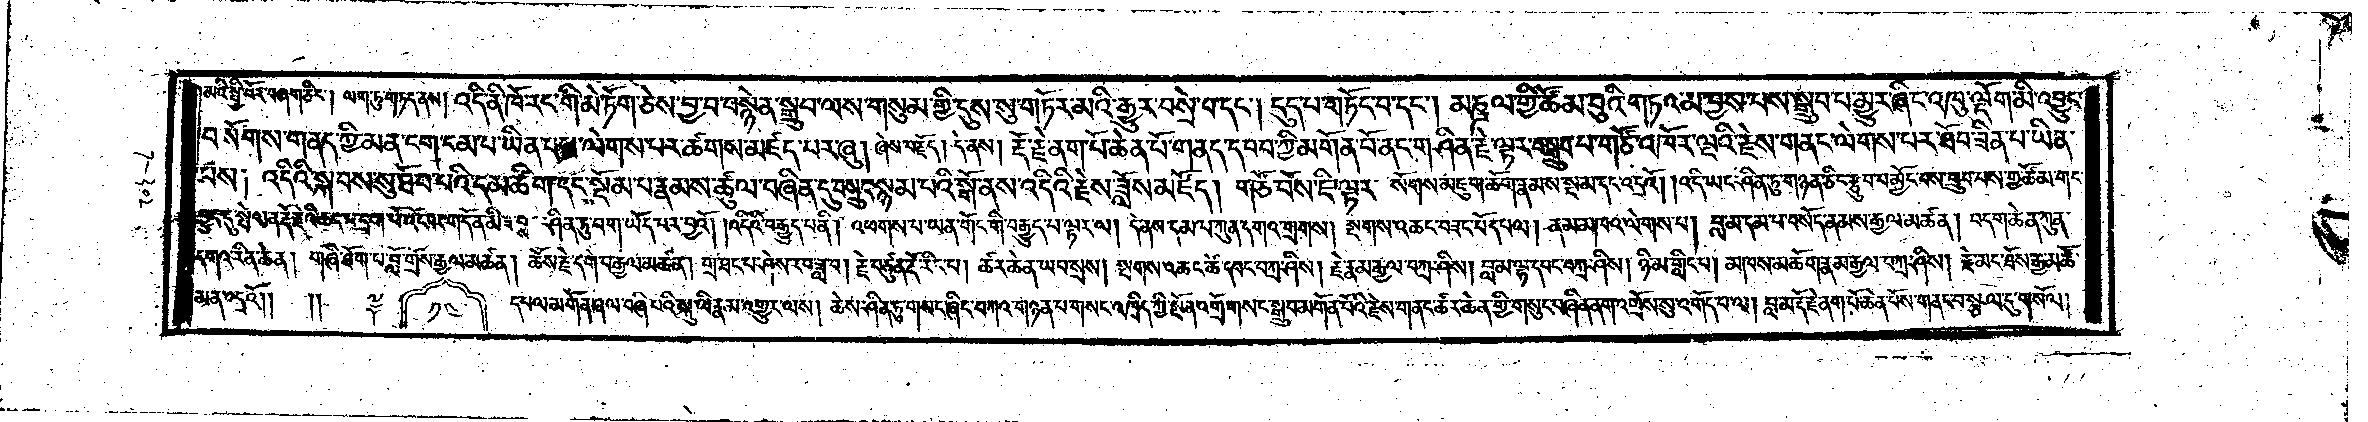མའི་སྤྱི་བོར་བཞག་ཅིང་། ལག་ཏུ་གཏད་ནས།  འདི་ནི་ཁོ་རང་གི་མེ་ཏོག་ཅེས་བྱ་བ་བསྙེན་སྒྲུབ་ལས་གསུམ་གྱི་དུས་སུ་གཏོར་མའི་རྒྱུར་བསྲེབ་དང་། དུད་པ་གཏོང་བ་དང་། མཎྜལ་གྱི་ཚོམ་བུའི་གཏའ་མ་བྱས་པས་སྒྲུབ་པ་མྱུར་ཞིང་འཁུ་ལྡོག་མི་འབྱུང་
བ་སོགས་གནད་ཀྱི་མན་ངག་དམ་པ་ཡིན་པས་ལེགས་པར་ཚགས་མཛད་པར་ཞུ། ཞེས་བརྗོད། དེ་ནས།  རྡོ་རྗེ་ནག་པོ་ཆེན་པོ་གནད་དབབ་ཀྱི་མགོན་པོ་ནང་གཤིན་རྗེ་ལྟར་བསྒྲུབ་པ་གཙོ་འཁོར་ལྔའི་རྗེས་གནར་ལེགས་པར་ཐོབ་ཟིན་པ་ཡིན་
བས༑ འདིའི་སྐབས་སུ་ཐོབ་པའི་དམ་ཚིག་དང་སྡོམ་པ་རྣམས་ཚུལ་བཞིན་དུ་བསྲུང་སྙམ་པའི་སྒོ་ནས་འདིའི་རྗེས་ཟློས་མཛོད། གཙོ་བོས་ཇི་ལྟར་སོགས་མཇུག་ཆོག་རྣམས་སླ་མ་དང་འདྲའོ། །འདི་ཡང་ཤིན་ཏུ་གཉན་ཅིང་རྩུབ་བ་མྱོང་བས་གྲུབ་པས་གྱ་ཚོམ་གང་
བྱུང་དུ་སྤེལ་ན་རྡོ་རྗེའི་ཆད་པ་དྲག་པོ་འོང་བར་གདོན་མི་ཟ་བས་ཤིན་ཏུ་བབ། ཡོད་པར་བྱའོ། །འདིའི་བརྒྱུད་པ་ནི། འཕགས་པ་ཡན་གོང་གི་བརྒྱུད་པ་ལྟར་ལ། དེ་ནས་དམ་བ་ཀུན་དགའ་གྲགས། སྔགས་འཆང་བཟང་པོ་དཔལ། ནམ་མཁའ་ལེགས་པ། བླ་མ་དམ་པ་བསོད་ནམས་རྒྱལ་མཚན། བདག་ཆེན་ཀུན་
དགའ་རིན་ཆེན། གཞི་ཐོག་པ་བློ་གྲོས་རྒྱལ་མཚན། ཆོས་རྗེ་དགེ་པ་རྒྱལ་མཚན། གྲ་ཐང་པ་ཤེས་རབ་ཟླ་བ། རྗེ་བཙུན་རྡོ་རིང་པ། ཚར་ཆེན་ཡབ་སྲས། སྔགས་འཆང་ཚེ་དབང་བཀྲ་ཤིས། རྗེ་རྣམ་ལྡན་བཀྲ་ཤིས། བླ་མ་ལྷ་དབང་བཀྲ་ཤིས། ཉི་མ་གླིང་པ། མཁས་མཆོག་རྣམ་རྒྱལ་བཀྲ་ཤིས། རྗེ་མང་ཐོས་རྒྱ་མཚོ་
མན་འདྲའོ།། །། ༈ ༼༡༤༽ དཔལ་མགོན་ཞལ་བཞི་པའི་སྐུ་ཡི་རྣམ་འགྱུར་ལས། ཆེས་ཤིན་ཏུ་གསང་ཞིང་བཀའ་གཉན་པ་གསང་འཁྲིད་ཀྱི་སྔོན་འགྲོ་གསང་སྒྲུབ་མགོན་པོའི་རྗེས་གནང་ཚར་ཆེན་གྱི་གསུང་བཞིན་ནག་འགྲོས་སུ་འགོད་པ་ལ། བླ་མ་རྡོ་རྗེ་ནག་པོ་ཆེན་པོས་གནང་བ་སྩལ་དུ་གསོལ།